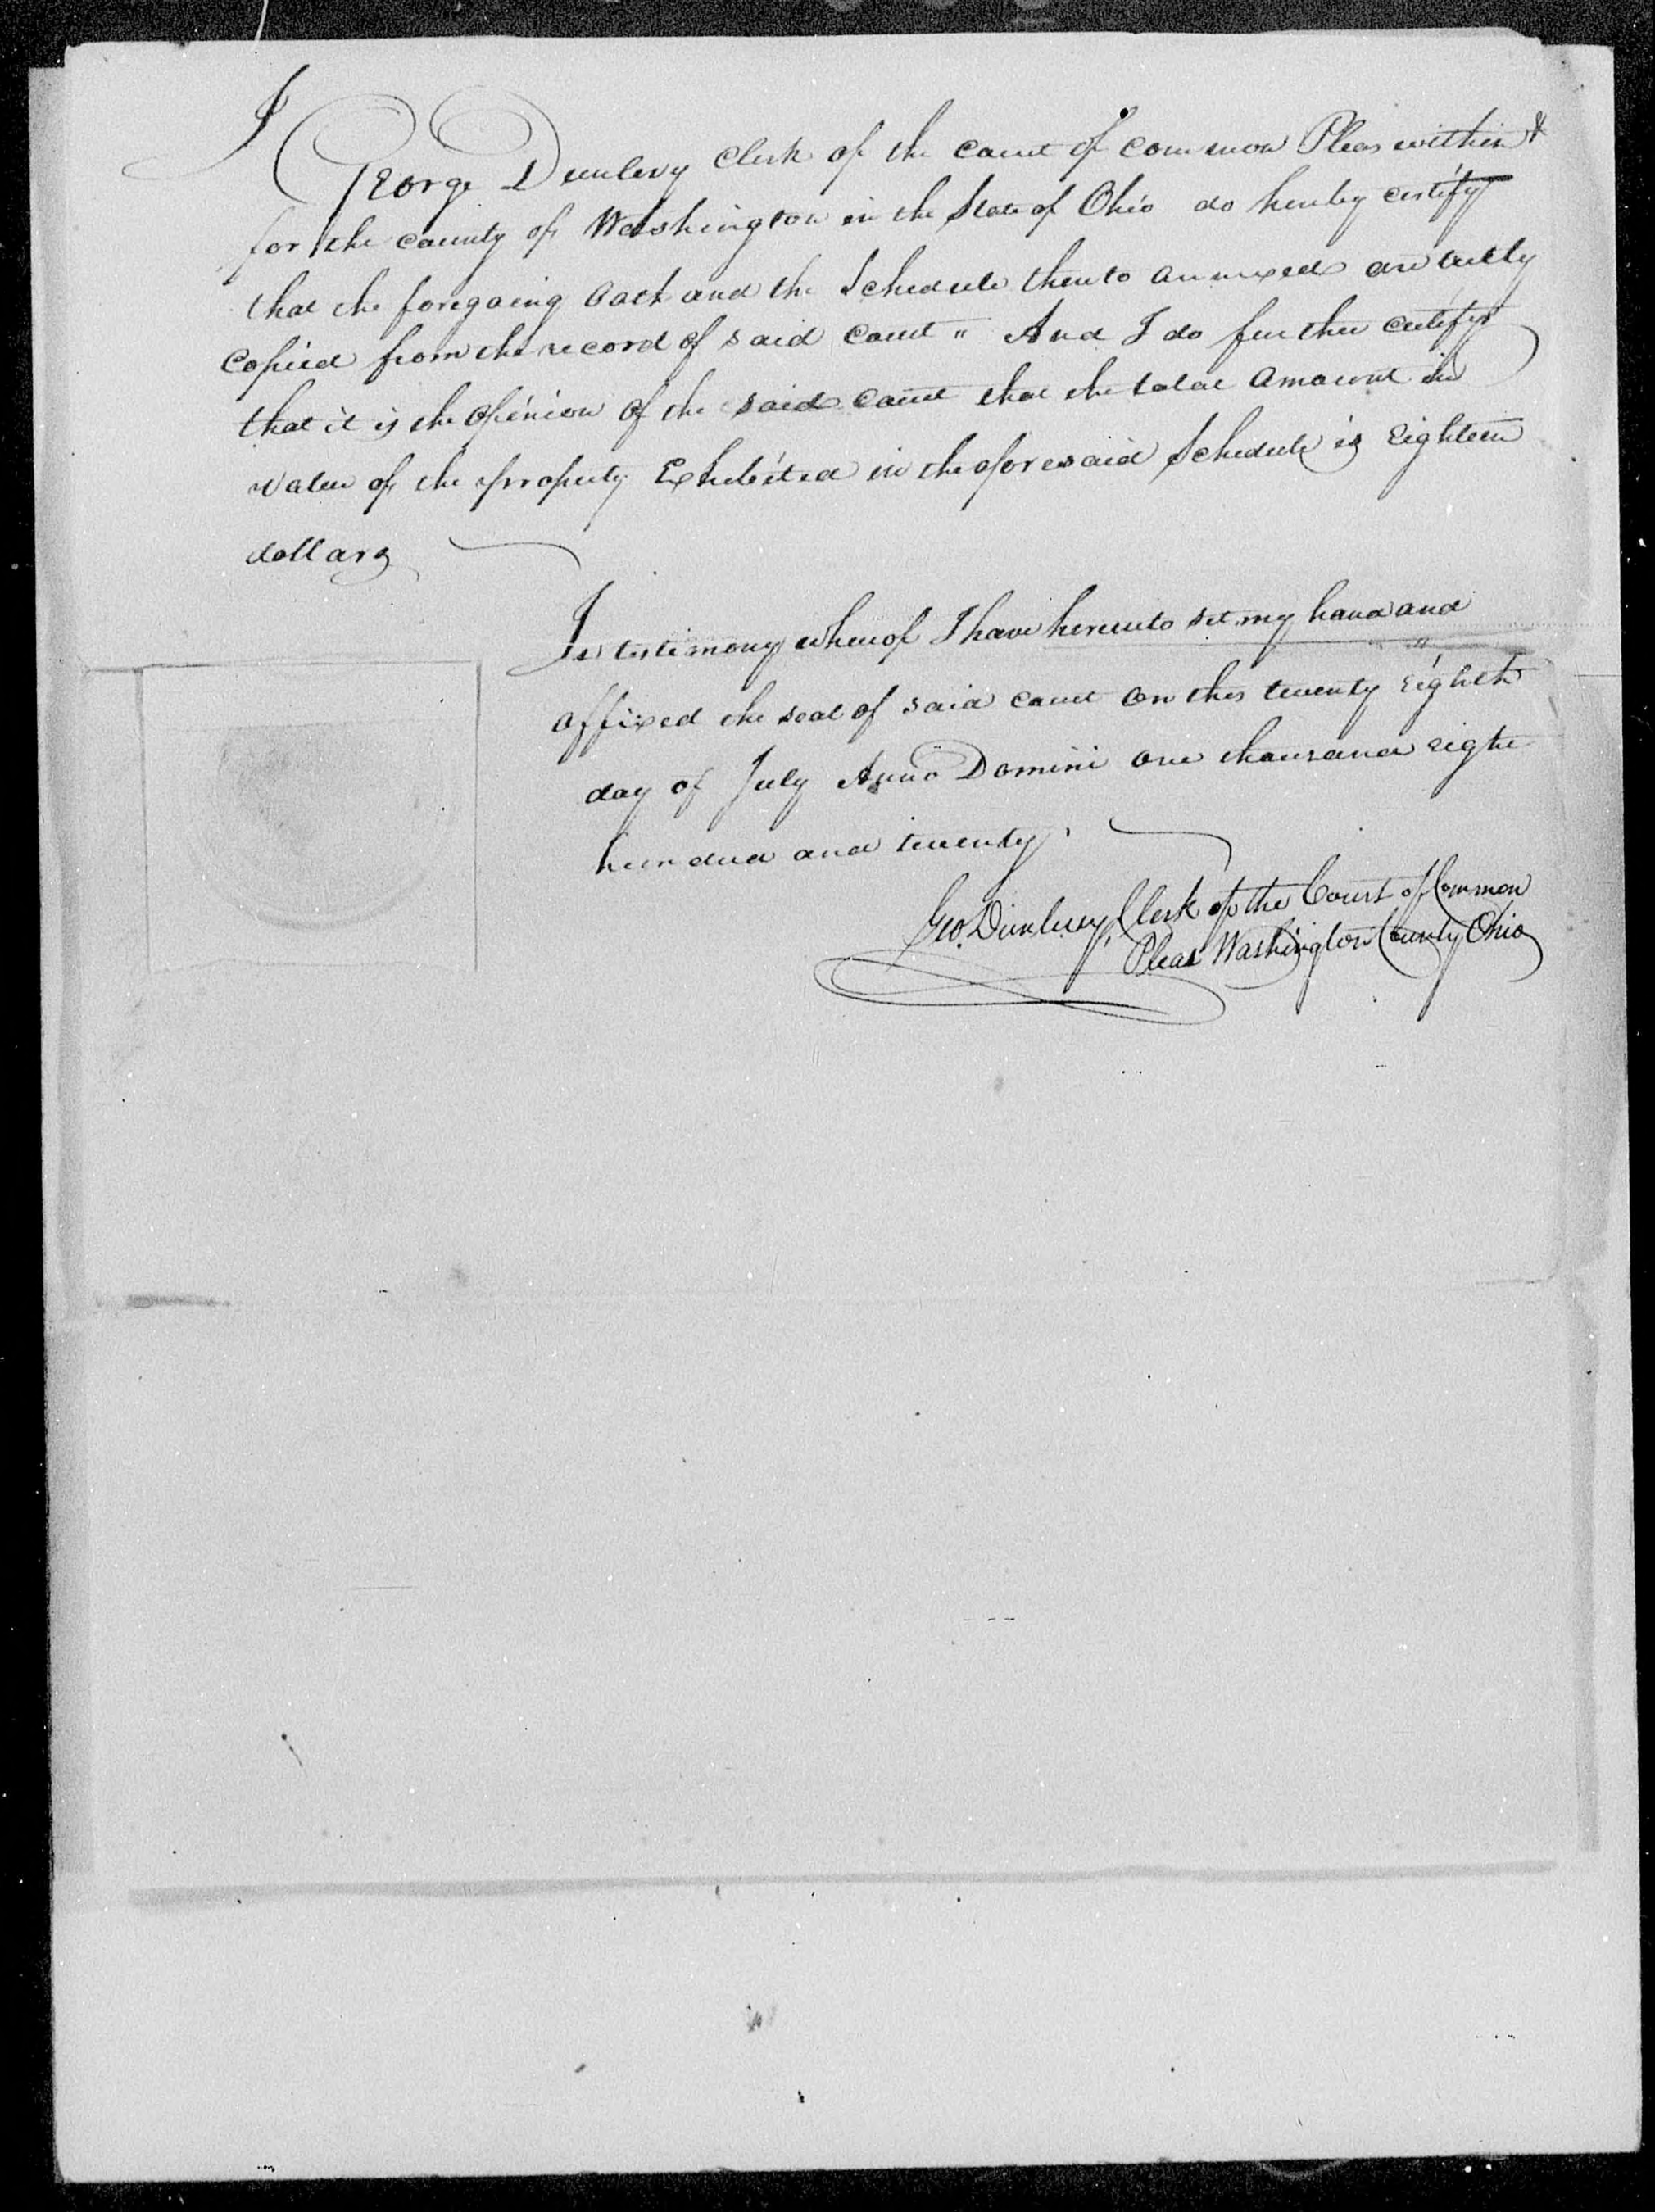[continued from previous]
I George Dunlevy clerk of the court of common Pleas within & for the county of Washington in the State of Ohio do hereby certify that the foregoing Oath and the Schedule thereto annexed are truly copied from the record of said court. And I do further certify that it is the opinion of the said court that the total amount in value of the property Exhibited in the aforesaid Schedule is Eighteen dollars ~
In testimony whereof I have hereunto set my hand and affixed the seal of said court on the twenty eighth day of July Anno Domini one thousand eight hundred and twenty.~
Geo. Dunlevy, Clerk of the Court of Common Pleas Washington County Ohio

[to left of supposition is a seal]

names: George Dunlevy, Geo Dunlevy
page: 9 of 21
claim: survivor's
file: S. 42,750, John Gosset, Va.